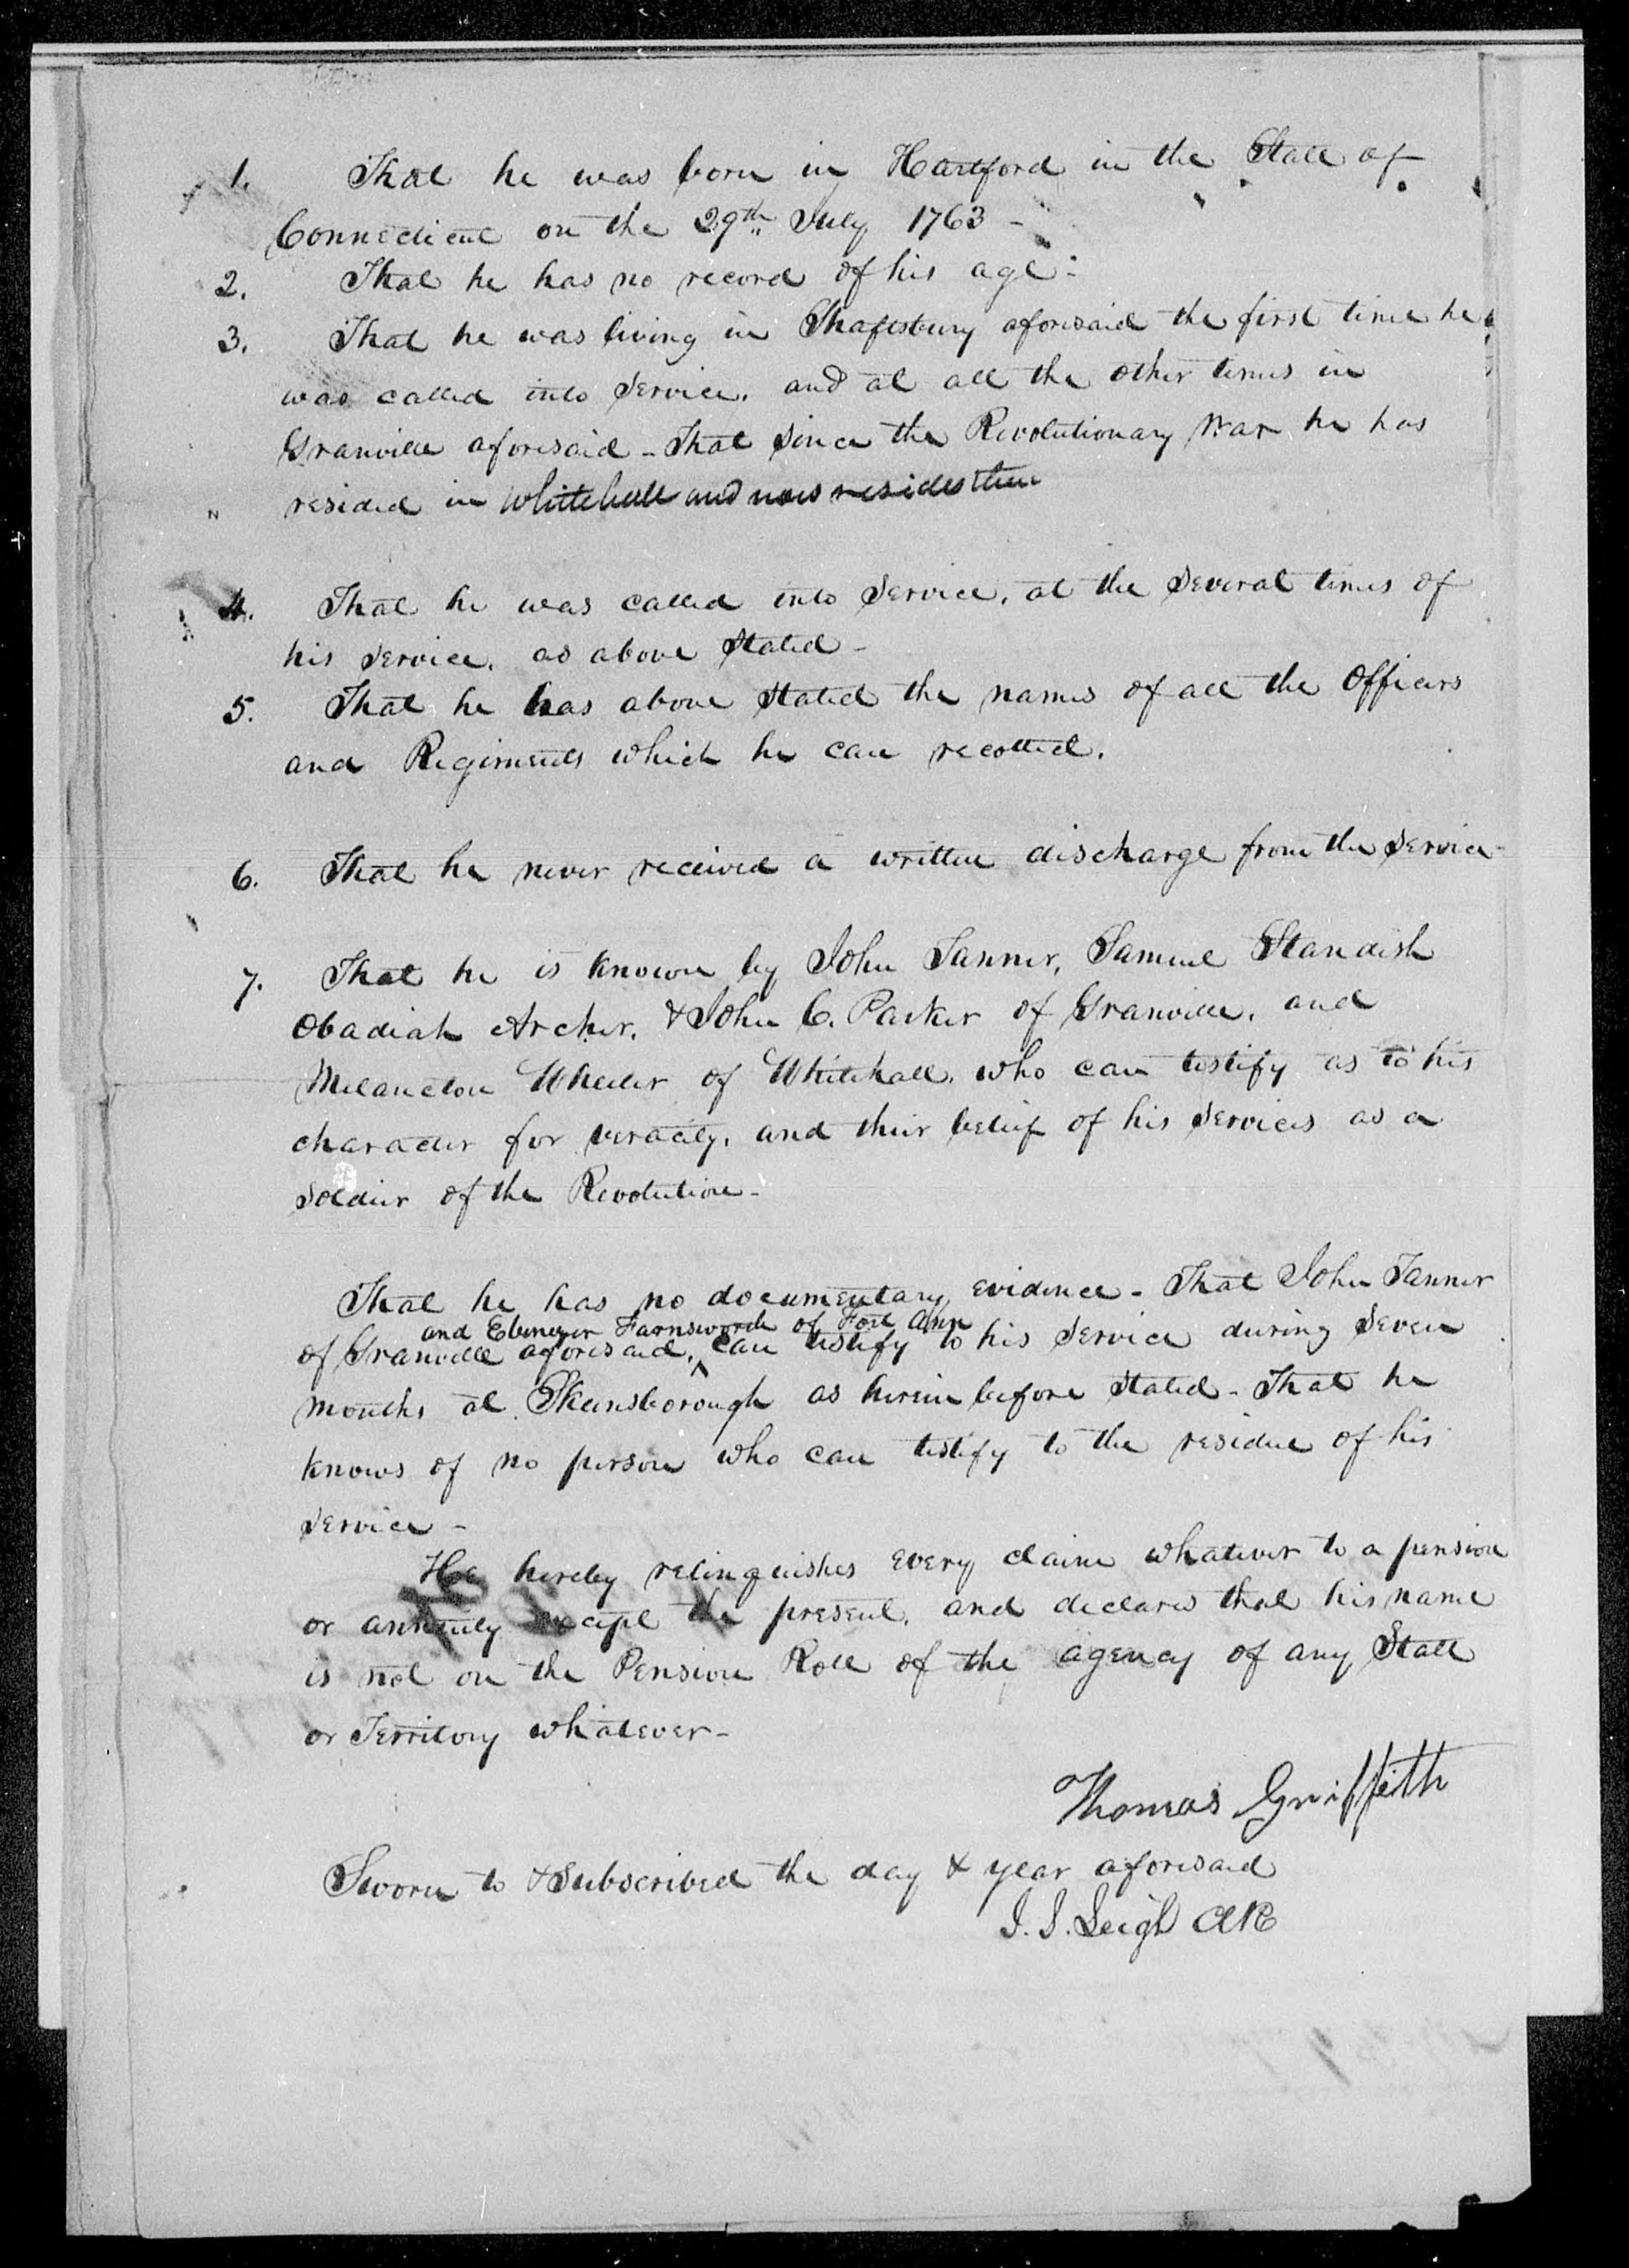1. That he was born in Hartford in the State of Connecticut on the 29th July 1763
2. That he has no record of his age.
3. That he was living in Shaftsbury aforesaid the first time he was called into service, and at all the other times in Granville aforesaid - That since the Revolutionary War he has
resided in Whitehall and now resides there
4. That he was called into service, at the several times of his service as above stated
5. That he has above stated the names of all the officers and Regiments which he can recollect.
6. That he never received a written discharge from the service
7. That he is known by John Tanner, Samuel Standish, Obadiah Archer, & John C. Parker of Granville and Milancton Wheeler of Whitehall, who can testify as to his character for veracity, and their belief of his services as a soldier of the Revolution

That he has no documentary evidence. That John Tanner of Granville and Ebenezer Farnsworth of Fort Ann can testify to his service during seven months at Skeensborough as herein before stated. That he knows of no person who can testify to the residue of his
service.

He hereby relinquishes every claim whatever to a pension or annuity except the present, and declared that his name is not on the Pension Roll of the agency of any State or Territory whatever
Thomas Griffith [signature]

Sworn to & subscribed the day & year aforesaid
J.S. Leigh Clerk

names: John C Parker, John Tanner, Obadiah Archer, J S Leigh, Samuel Standish, Thomas Griffith, John Tanner, Melancton Wheeler, Ebenezer Farnsworth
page: 8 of 14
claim: survivor's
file: S. 23663, Thomas Griffith, New York Vt.